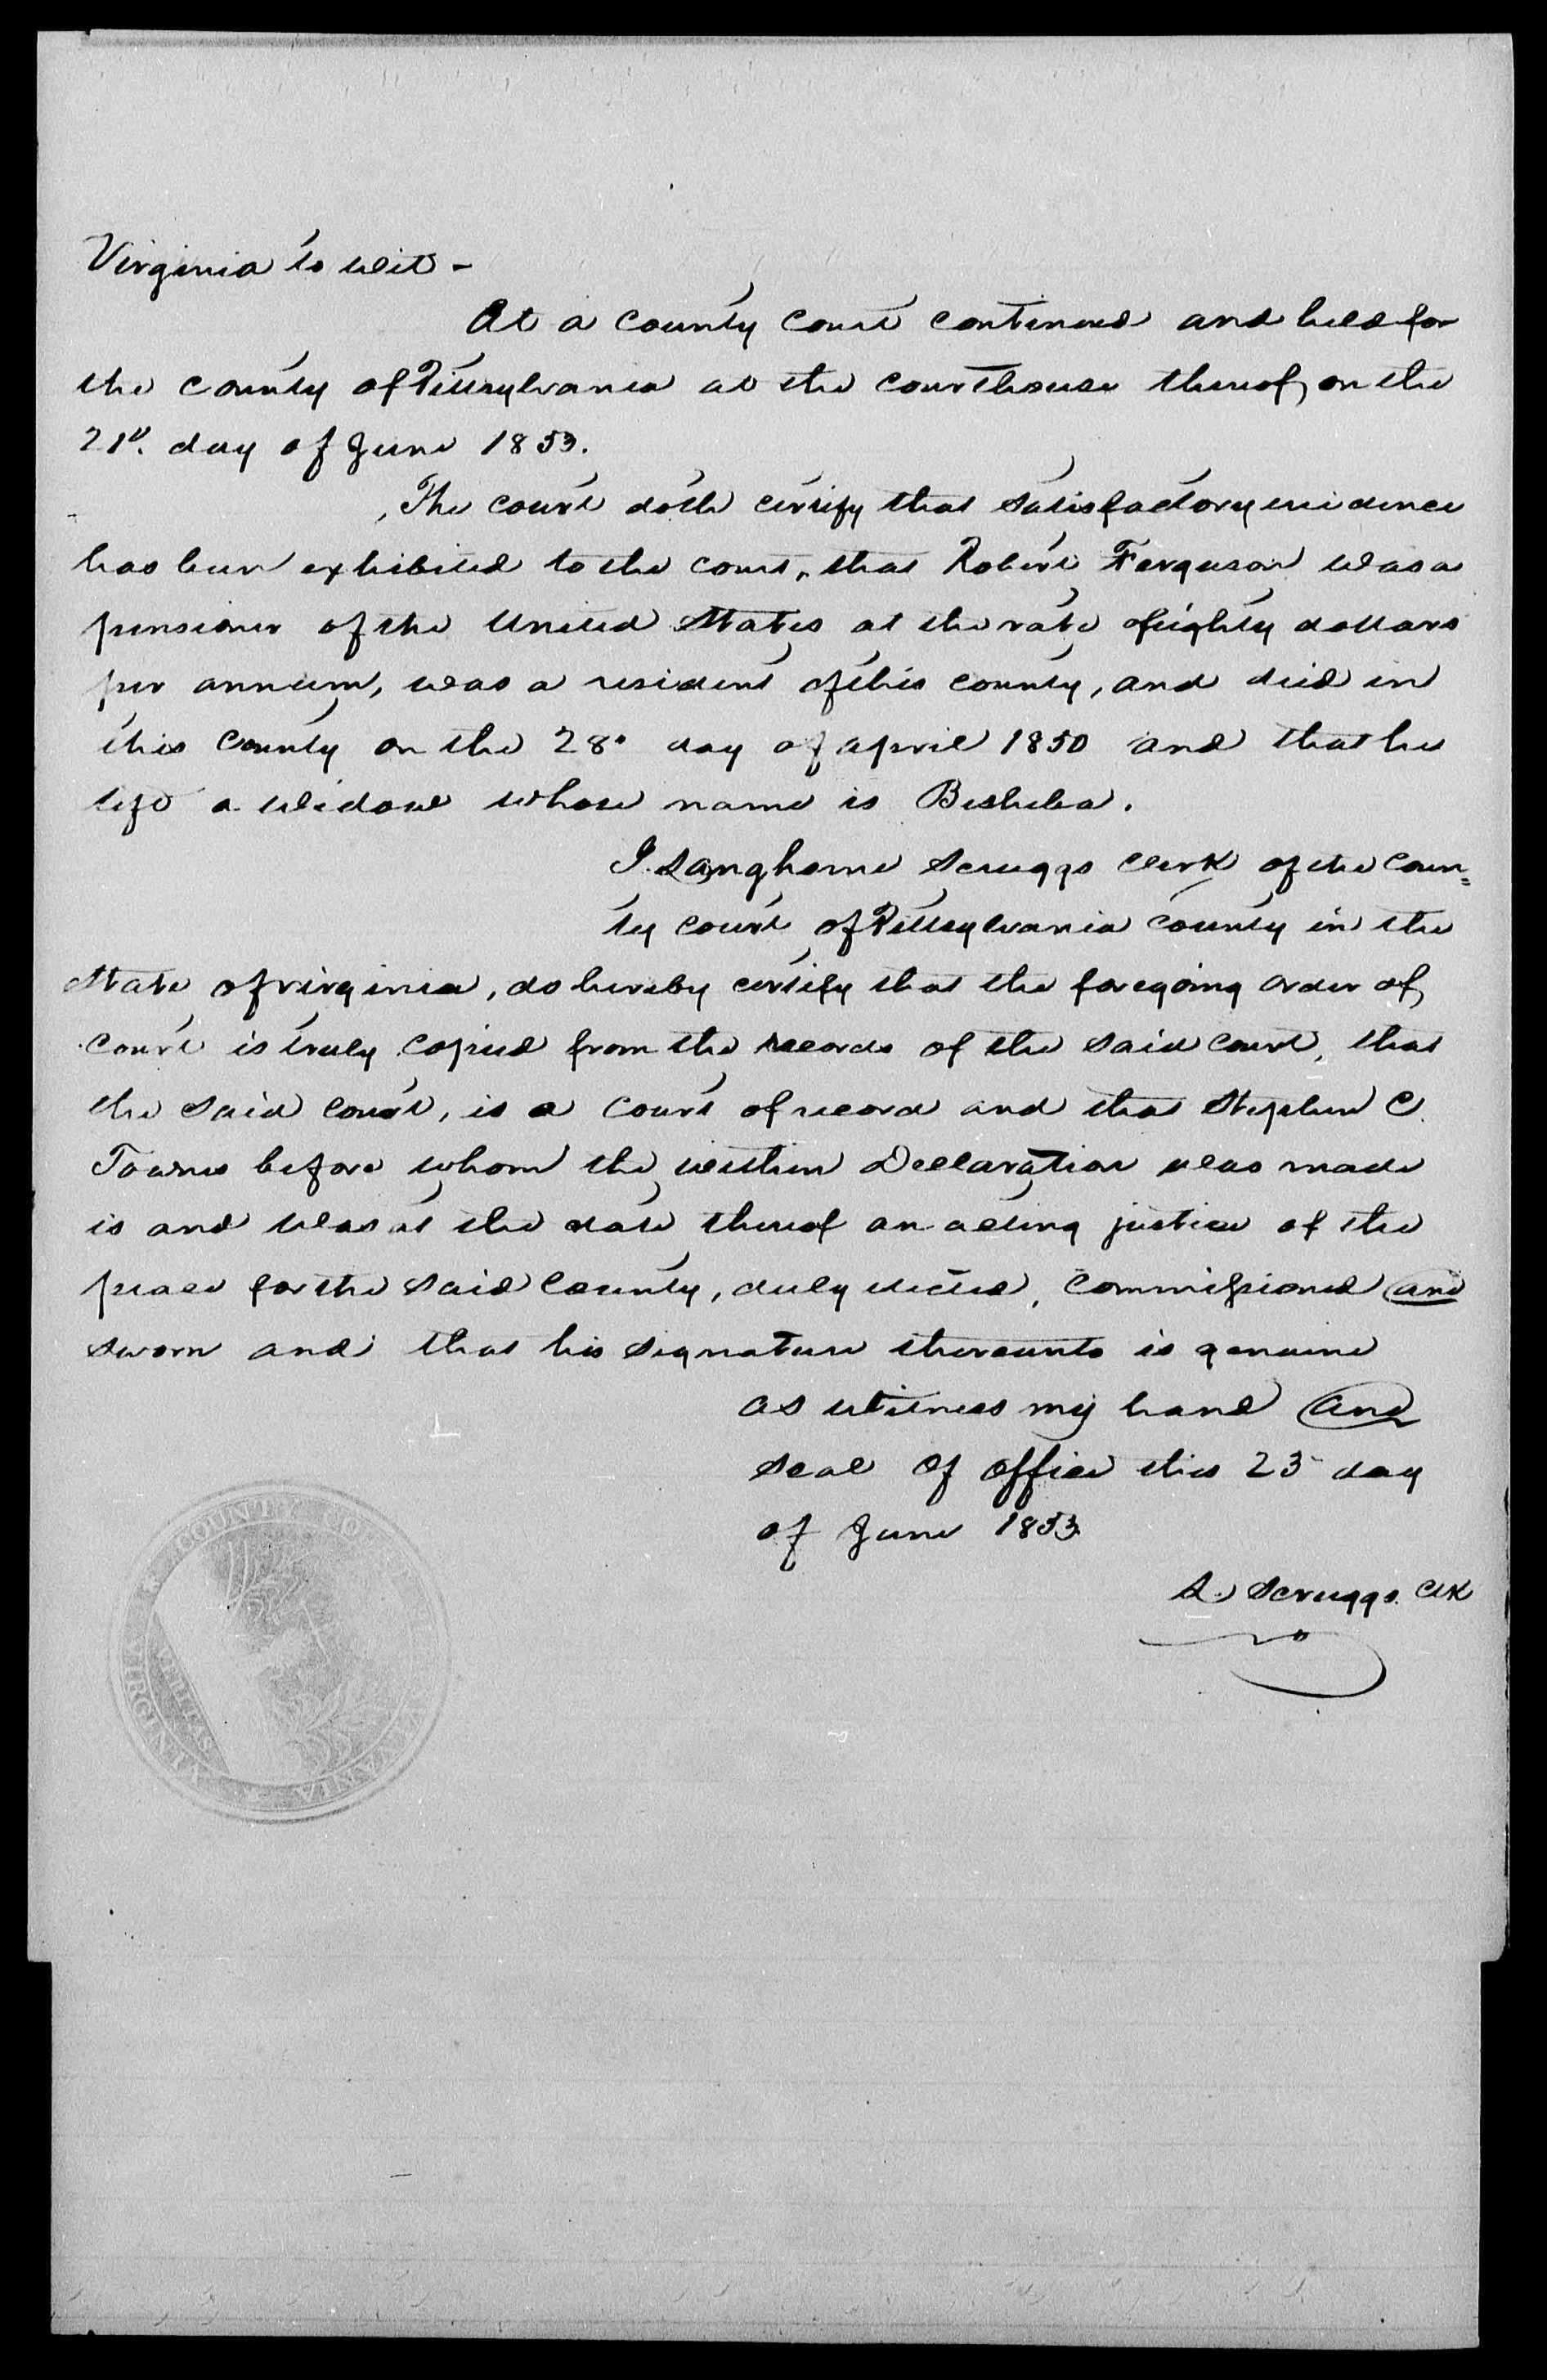Virginia to wit
At a County Court continued and held for
the County of Pensylvania at the Courthouse thereof on the
21 day of June 1833
The Court doth certify that satisfactory evidence
has been exhibited to the court, that Robert Ferguson was a
pensioner of the United States at the rate of eighty dollars
per annum, was a resident of this county, and died in
this County on the 28" day of April 1850 and that his
life a widow whose name is Besheba
I Langhorne Scruggs Clerk of the county Court of Pittsylvania County in the
State of Virginia, do hereby certify that the foregoing order of
Court is truly copied from the records of the said Court, that the
said Court is a Court of record and that Stephen
Townes before whom the within Declaration was made
is and was at the date thereof an acting justice of the
peace
for the said County, duly elected, commissioned and
Sworn and that his signature thereunto is genuine
as witness my hand and
seal of office this 23 day
of June 1853
S. Scruggs Clk
[seal] COUNTY COURT PENSYLVANIA VIRGINIA VERITAS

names: L Scruggs, Besheba, Stephen C Townes, Robert Ferguson, Langhorne Scruggs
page: 70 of 81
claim: widow's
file: W. 7262, Robert Ferguson, Va.